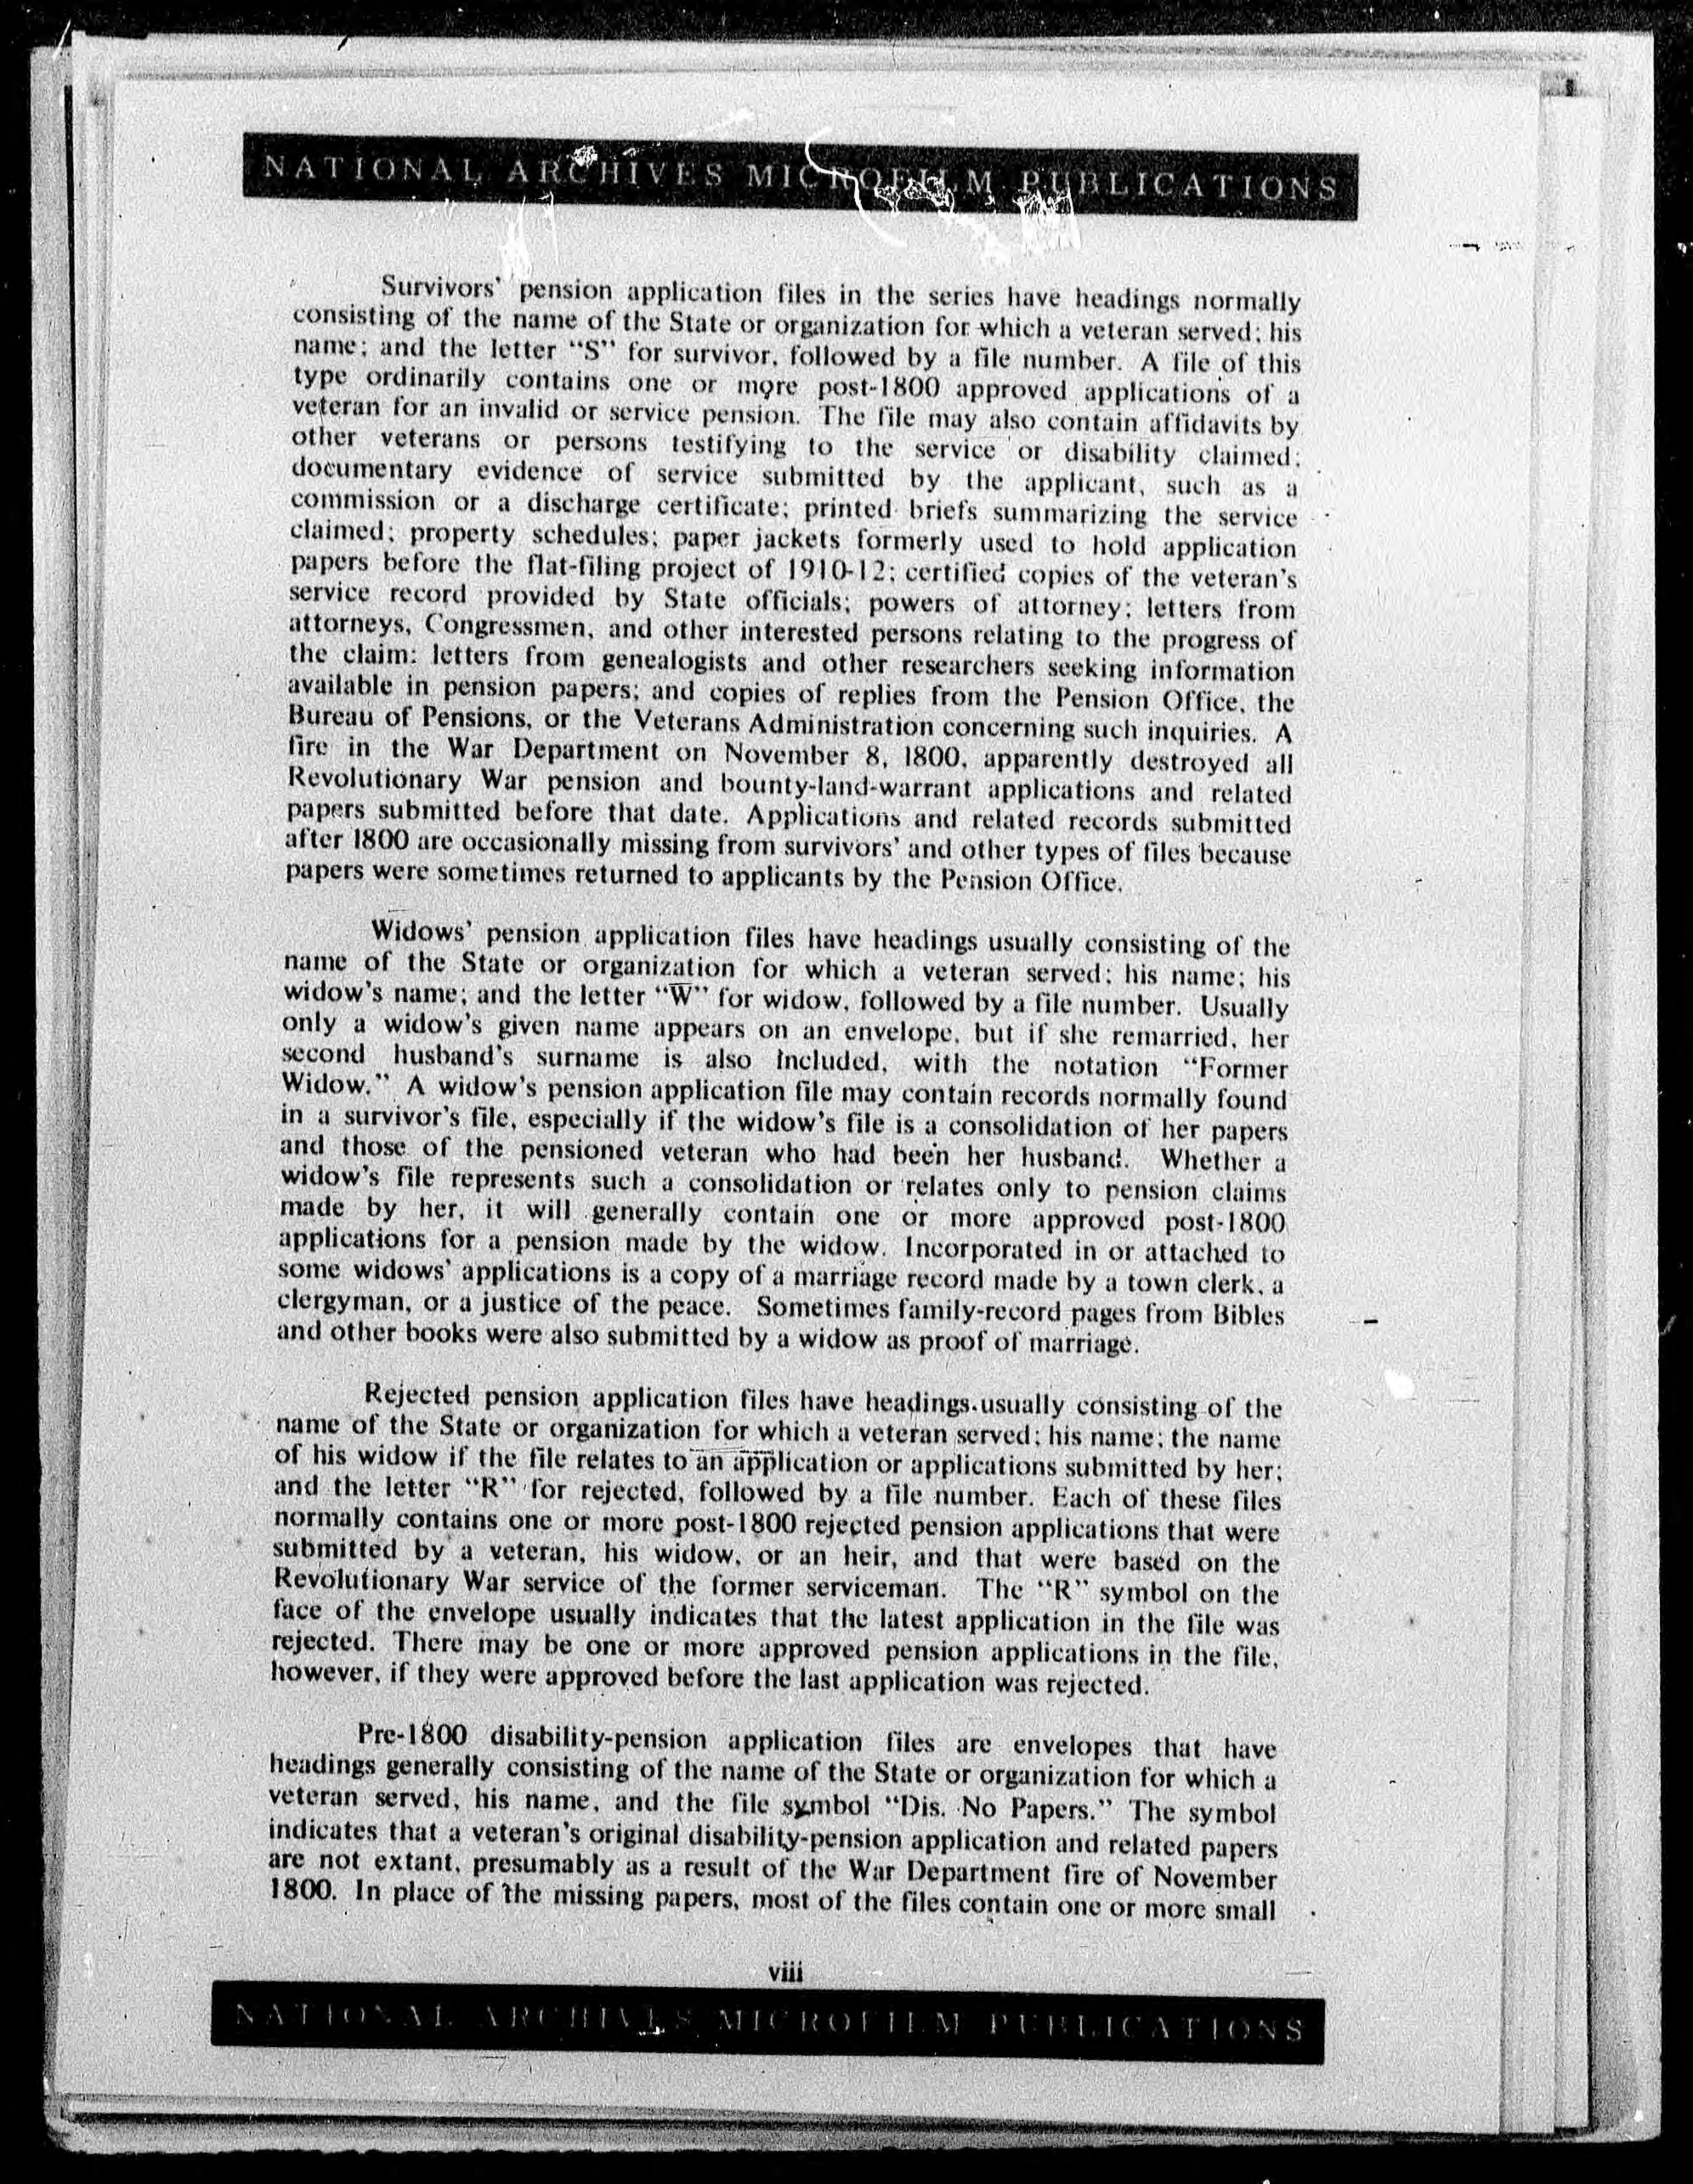Survivors' pension application files in the series have headings normally consisting of the name of the State or organization for which a veteran served: his name: and the letter "S" for survivor, followed by a file number. A file of this type ordinarily contains one or more post-1800 approved applications of a veteran for an invalid or service pension. The file may also contain affidavits by other veterans or persons testifying to the service or disability claimed: documentary evidence of service submitted by the applicant, such as a commission or a discharge certificate: printed briefs summarizing the service claimed: property schedules: paper jackets formerly used to hold application papers before the flat-filing project of 1910-12: certified copies of the veteran's service record provided by State officials: powers of attorney: letters from attorneys, Congressmen, and other interested persons relating to the progress of the claim: letters from genealogists and other researchers seeking information available in pension papers: and copies of replies from the Pension Office, the Bureau of Pensions, or the Veterans Administration concerning such inquiries. A fire in the War Department on November 8, 1800, apparently destroyed all Revolutionary War pension and bounty-land-warrant applications and related papers submitted before that date. Applications and related records submitted after 1800 are occasionally missing from survivors' and other types of files because papers were sometimes returned to applicants by the Pension Office.
Widows' pension application files have headings usually consisting of the name of the State or organization for which a veteran served: his name: his widow's name: and the letter "W" for widow, followed by a file number. Usually only a widow's given name appears on an envelope, but if she remarried, her second husband's surname is also included, with the notation "Former Widow." A widow's pension application file may contain records normally found in a survivor's file, especially if the widow's file is a consolidation of her papers and those of the pensioned veteran who had been her husband. Whether a widow's file represents such a consolidation or relates only to pension claims made by her, it will generally contain one or more approved post-1800 applications for a pension made by the widow. Incorporated in or attached to some widows' applications is a copy of a marriage record made by a town clerk, a clergyman, or a justice of the peace. Sometimes family-record pages from Bibles and other books were also submitted by a widow as proof of marriage.
Rejected pension application files have headings usually consisting of the name of the State or organization for which a veteran served: his name: the name of his widow if the file relates to an application or applications submitted by her: and the letter "R" for rejected, followed by a file number. Each of these files normally contain one or more post-188 rejected pension applications that were submitted by a veteran, his widow, or an heir, and that were based on the Revolutionary War service of the former serviceman. The "R" symbol on the face of the envelope usually indicates that the latest application in the file was rejected. There may be one or more approved pension applications in the file, however, if they were approved before the last application was rejected.
Pre-1800 disability-pension application files are envelopes that have headings generally consisting of the name of the State or organization for which a veteran served, his name, and the file symbol "Dis. No Papers." The symbol indicates that a veteran's original disability-pension application and related papers are not extant, presumably as a result of the War Department fire of November 1800. In place of the missing papers, most of the files contain one or more small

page: 7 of 59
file: Revolutionary War Pension and Bounty Land Warrant Application File